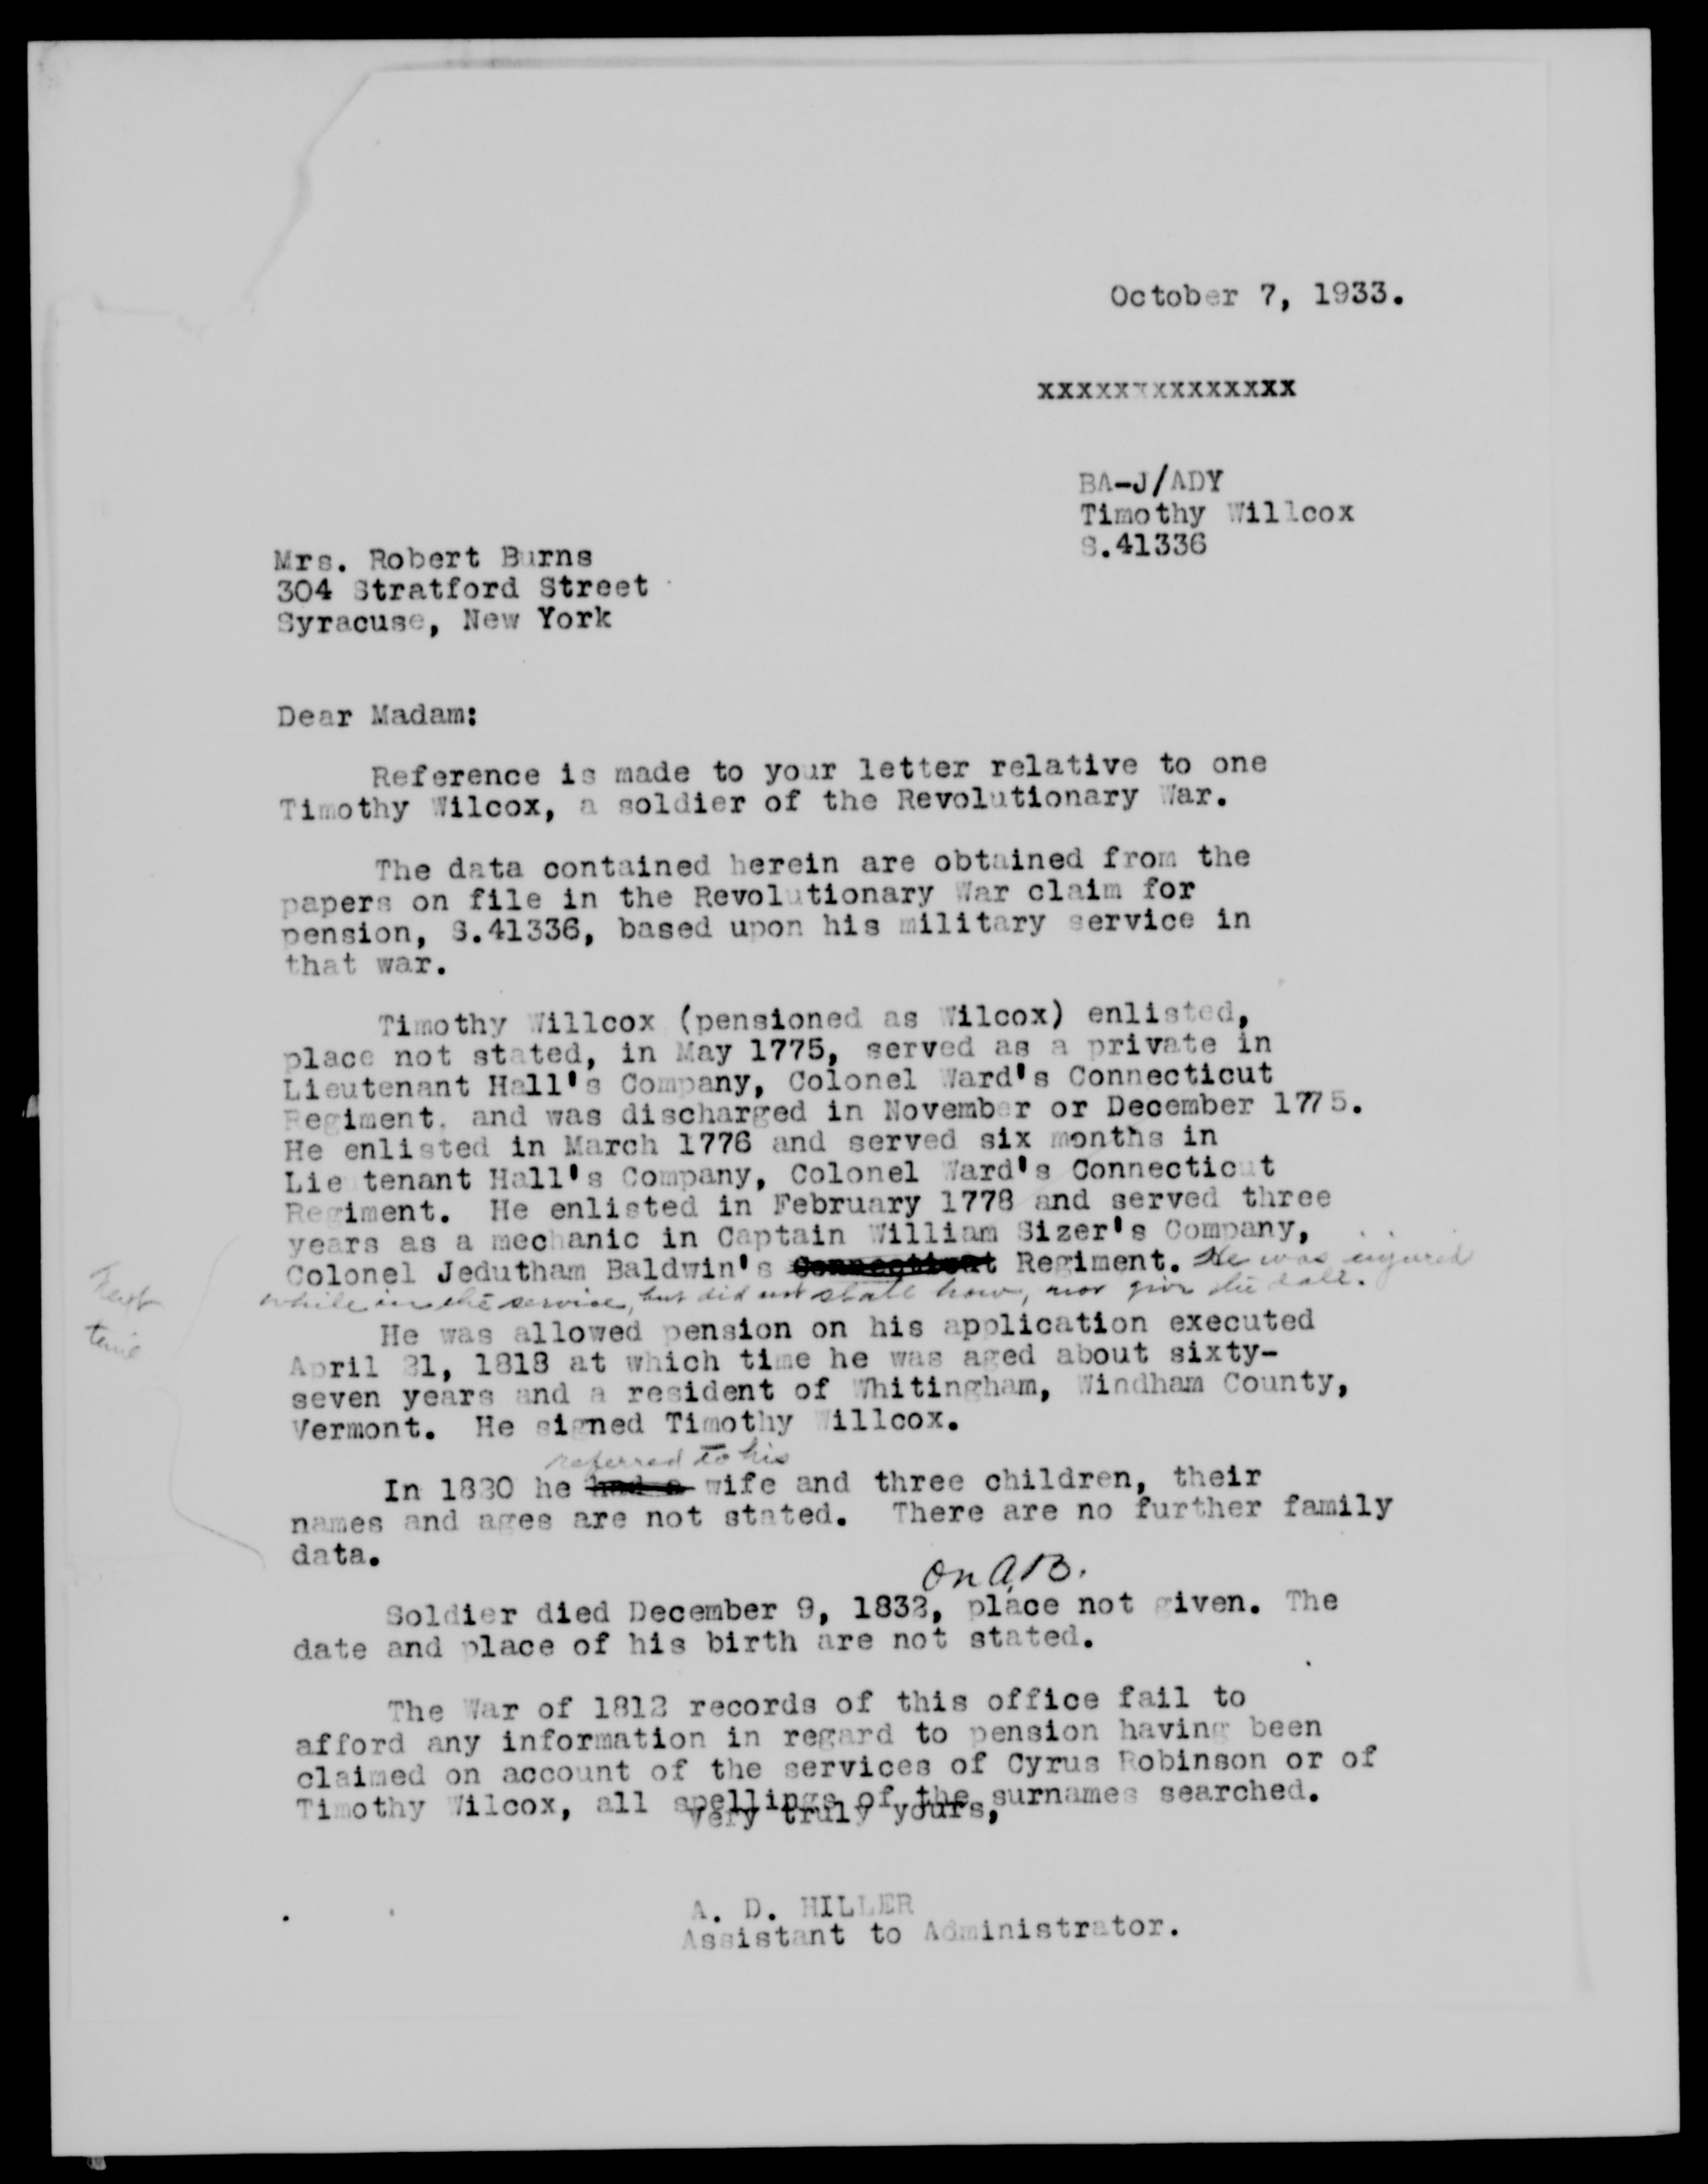October 7, 1933.
XXXXXXXXXXXXX

BA-J/ADY
Timothy Willcox
3. 41336

Mrs. Robert Burns
304 Stratford Street
Syracuse, New York

Dear Madam:
Reference is made to your letter relative to one
Timothy Wilcox, a soldier of the Revolutionary War.

The data contained herein are obtained from the
pension, S.41336, based upon his military service in
that war.

papers on file in the Revolutionary War claim for
Timothy Willcox (pensioned as Wilcox) enlisted,
place not stated, n May 1775, served as a private in
Lieutenant Hall's Company, Colonel Ward's Connecticut
Regiment, and was discharged in November or December 1775.
He enlisted in March 1776 and served six months in
Lieutenant Hall's Company, Colonel Ward's Connecticut
Regiment. He enlisted in February 1778 and served three
years as a mechanic in Captain William Sizer's Company,
Colonel Jeduthan Baldwin's Regiment. He was injured while in the service, but did not state how, nor give the date. 

He was allowed pension on his application executed
April 21, 1818 at which time he was aged about sixty
seven years and a resident of Whitingham, Windham County,
Vermont. He signed Timothy Willcox.

In 1830 he returned to his wife and three children, their
names and ages are not stated. There are no further family
data.

Soldier died December 9, 1833, on A.B., place not given. The
date and place of his birth are not stated.

The War of 1812 records of this office fail to
afford any information in regard to pension having been
claimed on account of the services of Cyrus Robinson or of
Timothy Wilcox, all spelling of the surnames searched.

A. D. HILLER
Assistant to Administrator.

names: Cyrus Robinson, A D Hiller, Timothy Wilcox, Robert Burns, Timothy Willcox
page: 14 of 15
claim: survivor's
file: S. 41336, Timothy Willcox, Conn. Continental